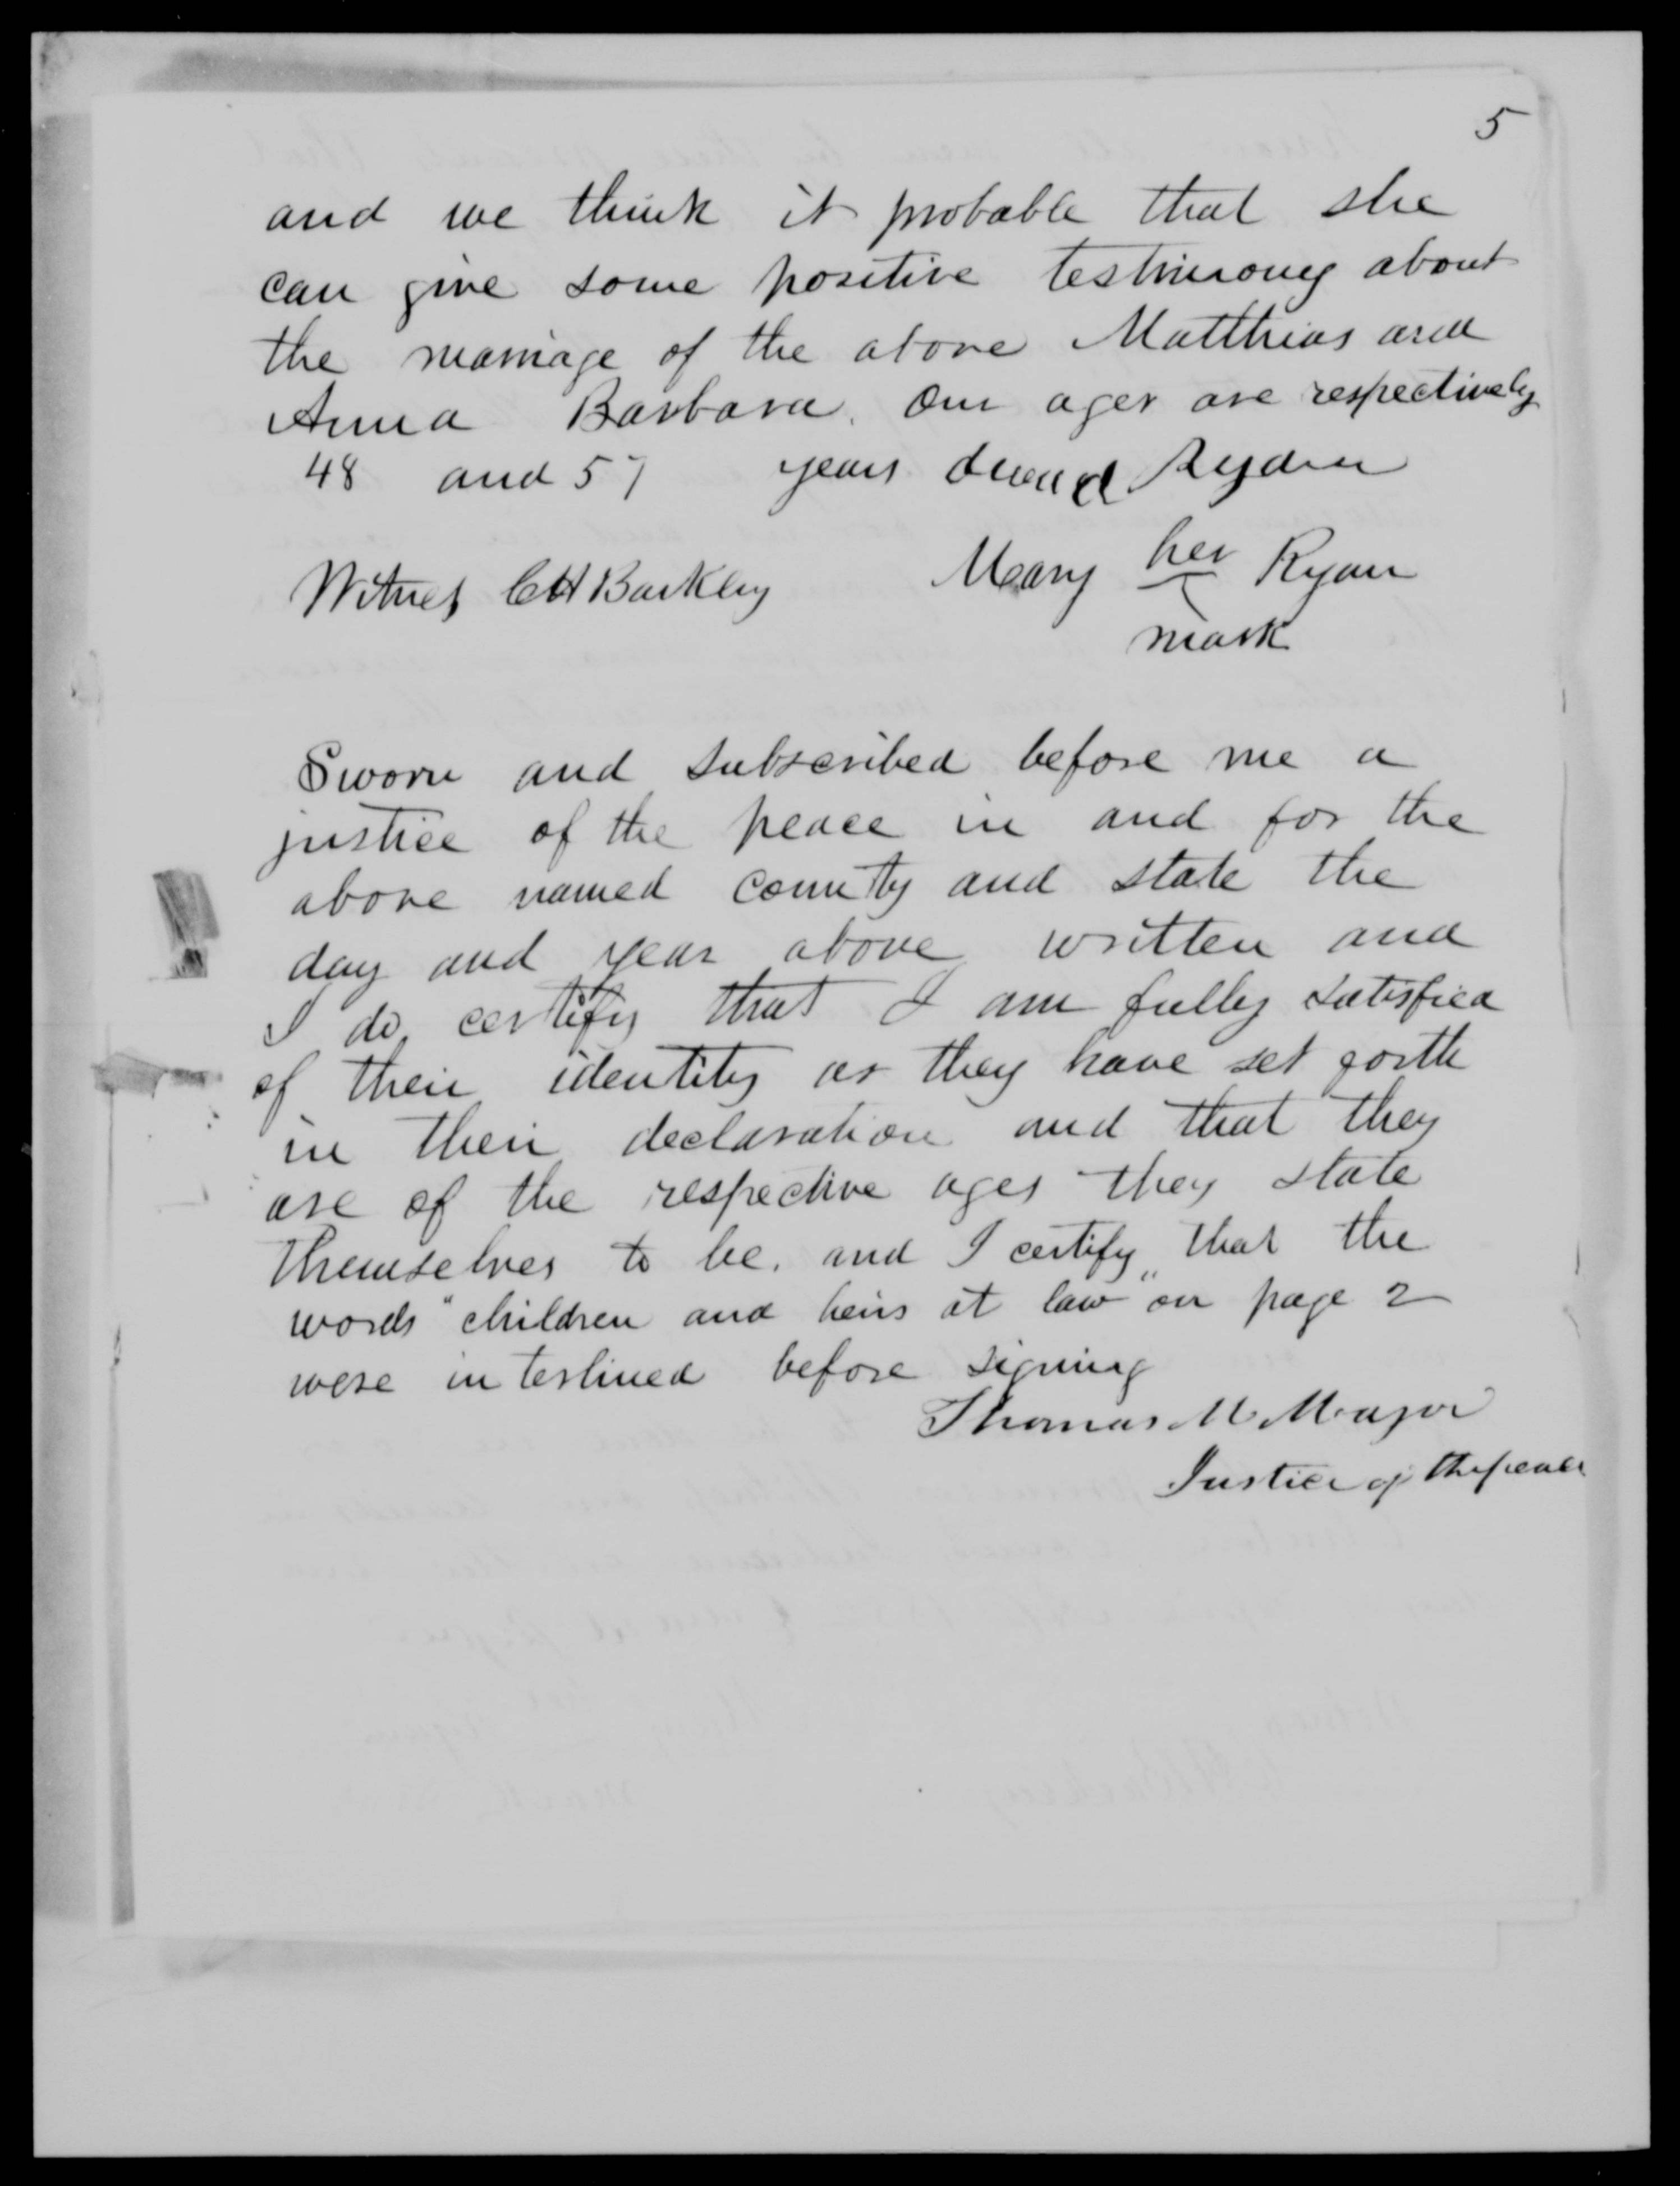5
and we think it probable that she
can give some positive testimony about
the marriage of the above Matthias and
Anna Barbara, Our age are respectively
48 and 57 years.
Edward Ryan
Mary her Ryan mark
Witness C H Barkley

Sworn and subscribed before me a
Justice of the peace in and for the
above named County and state the
day and year above written and I
do certify that I am fully satisfied of their
identity as they have set forth
in their declaration and that they
are of the respective ages they state
themselves to be, and I certify that the
words “children and heirs at law” on page 2
were interlined before signing
Thomas M Major
Justice of the peace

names: Matthias, Mary Ryan, C H Barkley, Anna Barbara, Thomas M Major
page: 100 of 123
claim: rejected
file: R. 11,949, Matthias Young, Md.